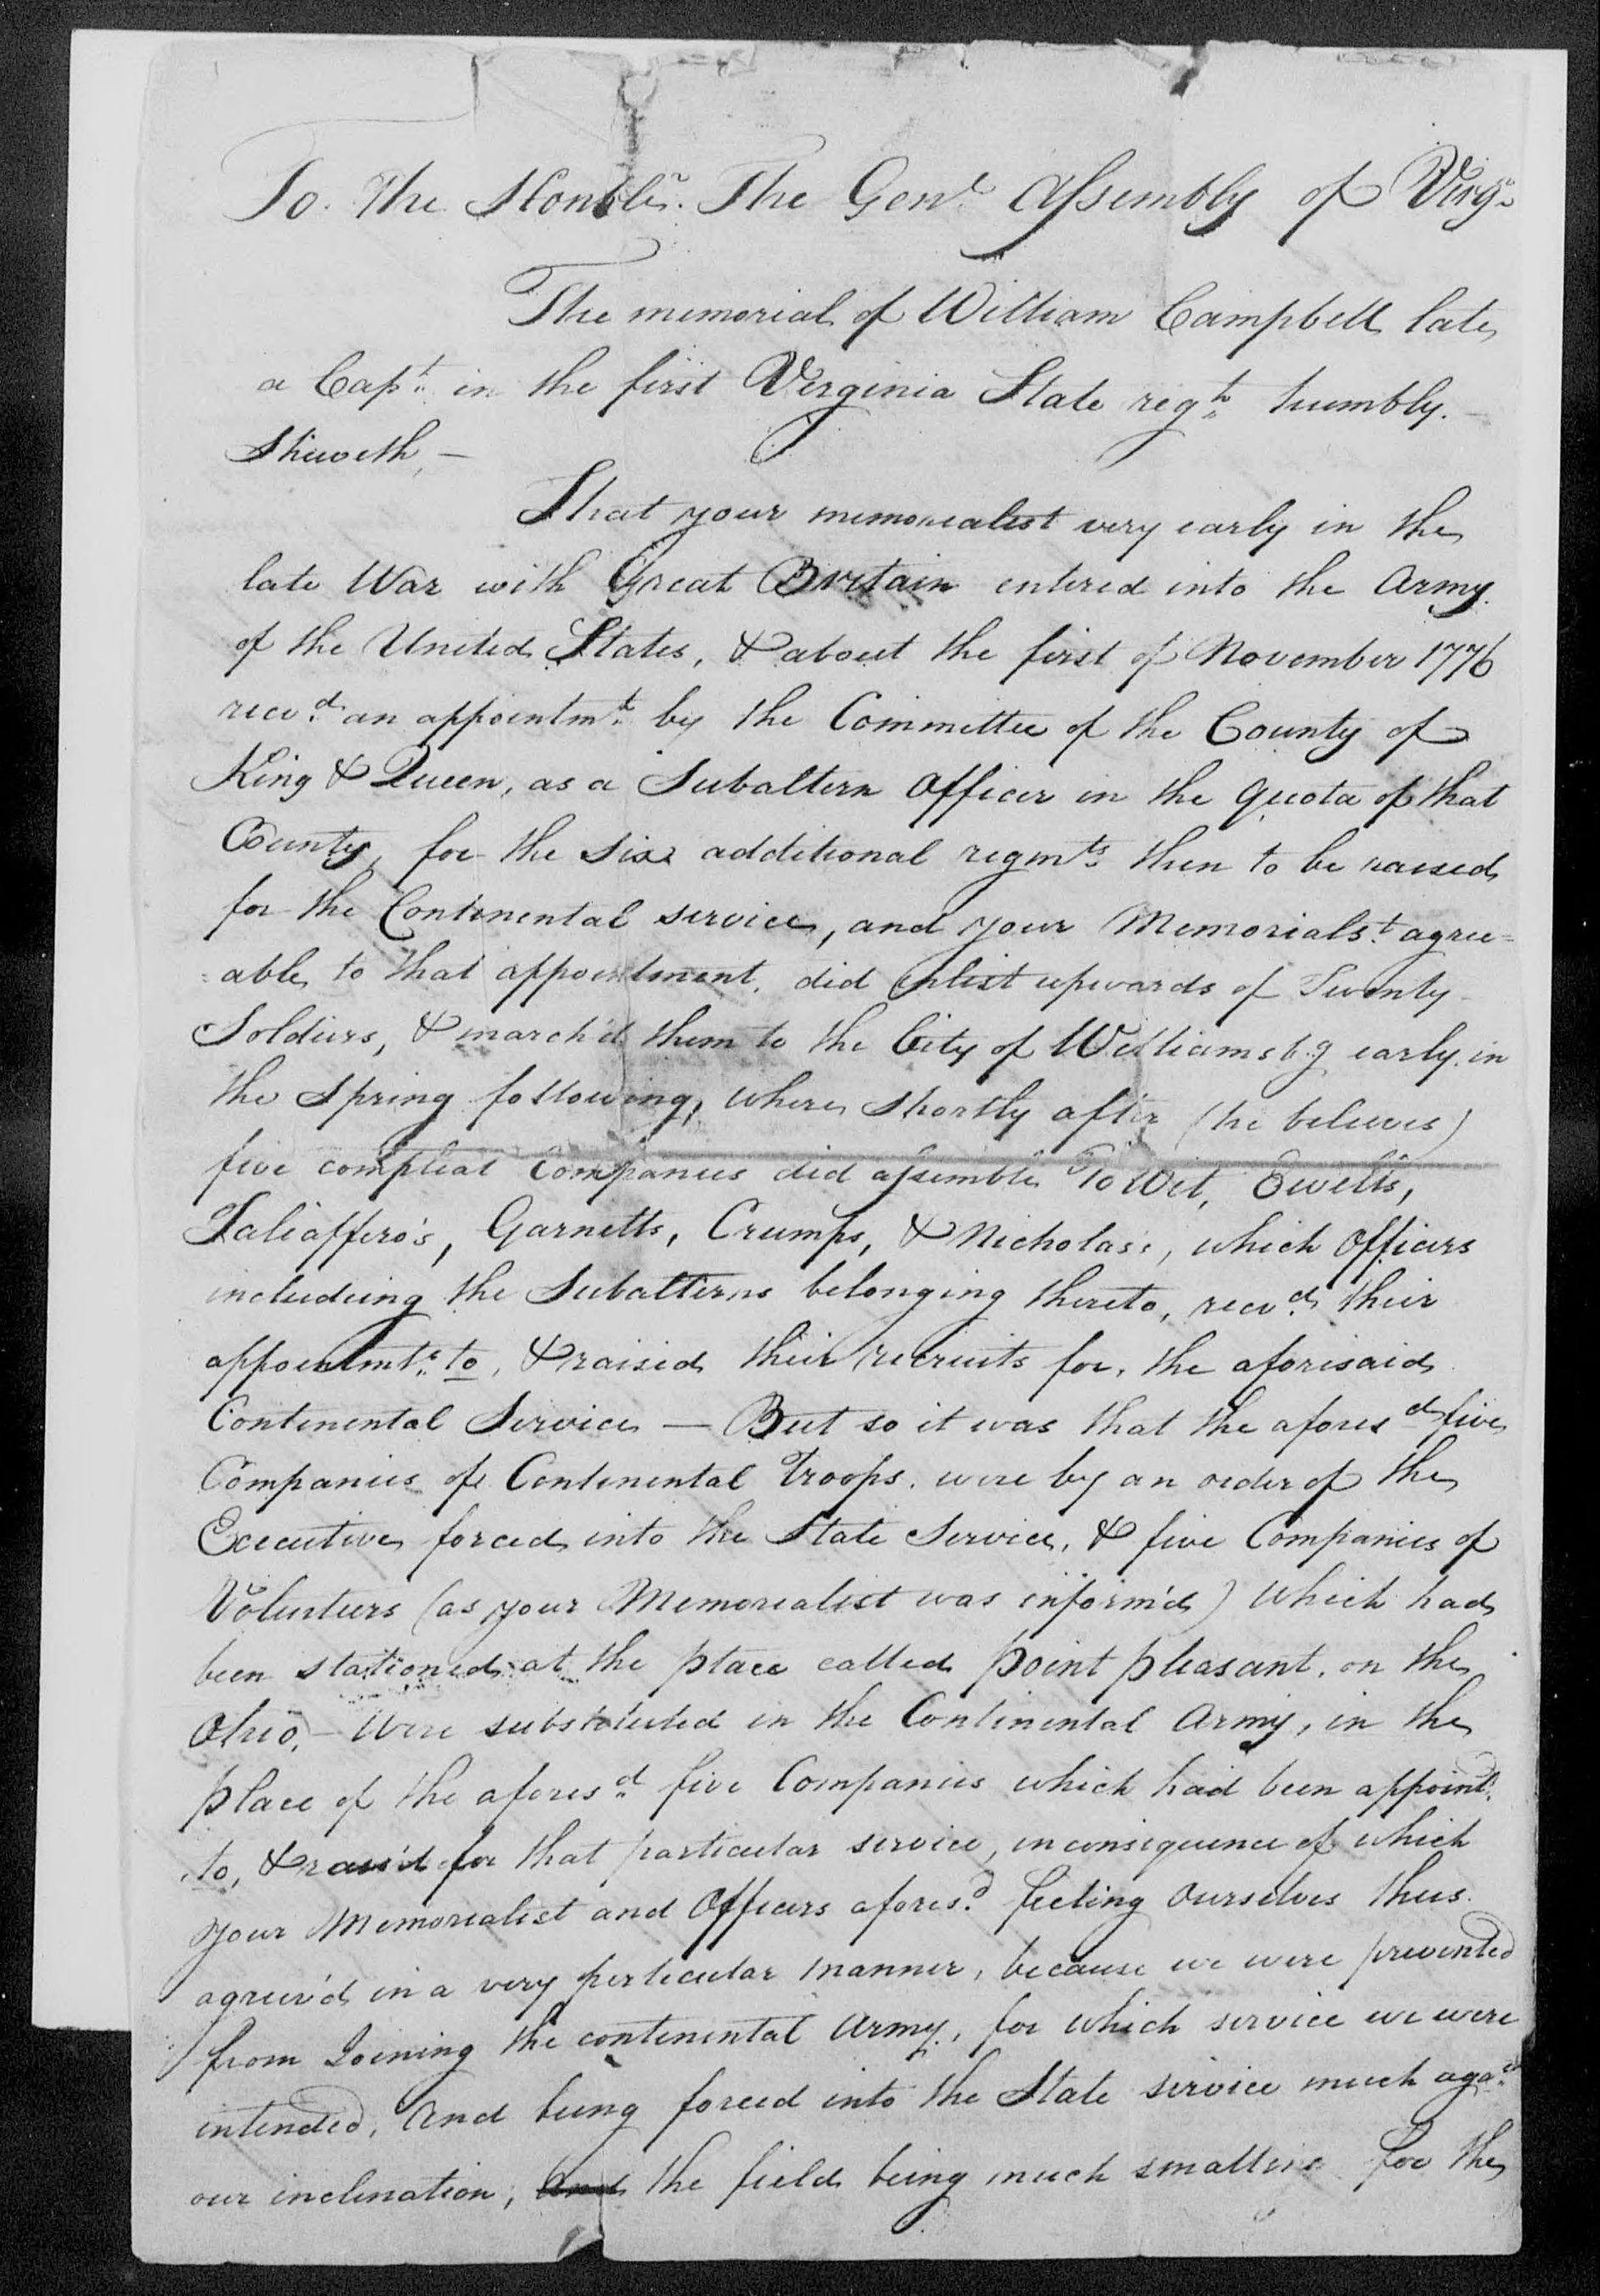To The Honble The Genl. Assembly of Virginia:

The memorial of William Campbell late, a Capt. in the first Virginia State regt. humbly 
Showeth --
That your memorialist very early in the late War with Great Britain entered into the Army of the United States, +[and] about the first of November 1776 recd. an appointment by the Committee of the County of King +[and] Queen,  as a Subaltern Officer in the quota of that County, for the Six additional regmts. then to be raised for the Continental services, and your Memorialst. agreeable to That appointment did enlist upwards of Twenty Soldiers, +[and] marched them to the City of Williamsburg early in the Spring following, where Shortly after (he believes) five compleat companies did assemble To Wit, Ewells, Taliaffero's, Garnetts, Crumps, +[and] Nicholas's, which officers including the Subaltern belonging thereto, reced. their appointments to, +[and] raised their recruits for, the aforesaid Continental Services --- But so it was that the aforesd. five Companies of Continental Troops were by an order of this Executive forced into the State Service, +[and] five Companies of Volunteers (as your Memorialist was informed) which had been stationed at the place called Point Pleasant, in this Ohio, were substituted in the Continental Army, in the place of the aforesd. five Companies which had been approved to +[and] raised for that particular service, in consequence of which your Memorialist and Officers aforesd. feeling ourselves thus agriev'd   in a very particular manner, because we were prevented from Joining the continental Army, for which service we were intended, And being forced into the State service much agr.ed our inclination, [cross out illegible] the field being much smalling  for the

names: Wm, William Campbell, Wit, Taliaffero, Nicholass, Crumps, Ewells, Garnetts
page: 101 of 267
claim: widow's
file: W. 4,149, William Campbell, Va.